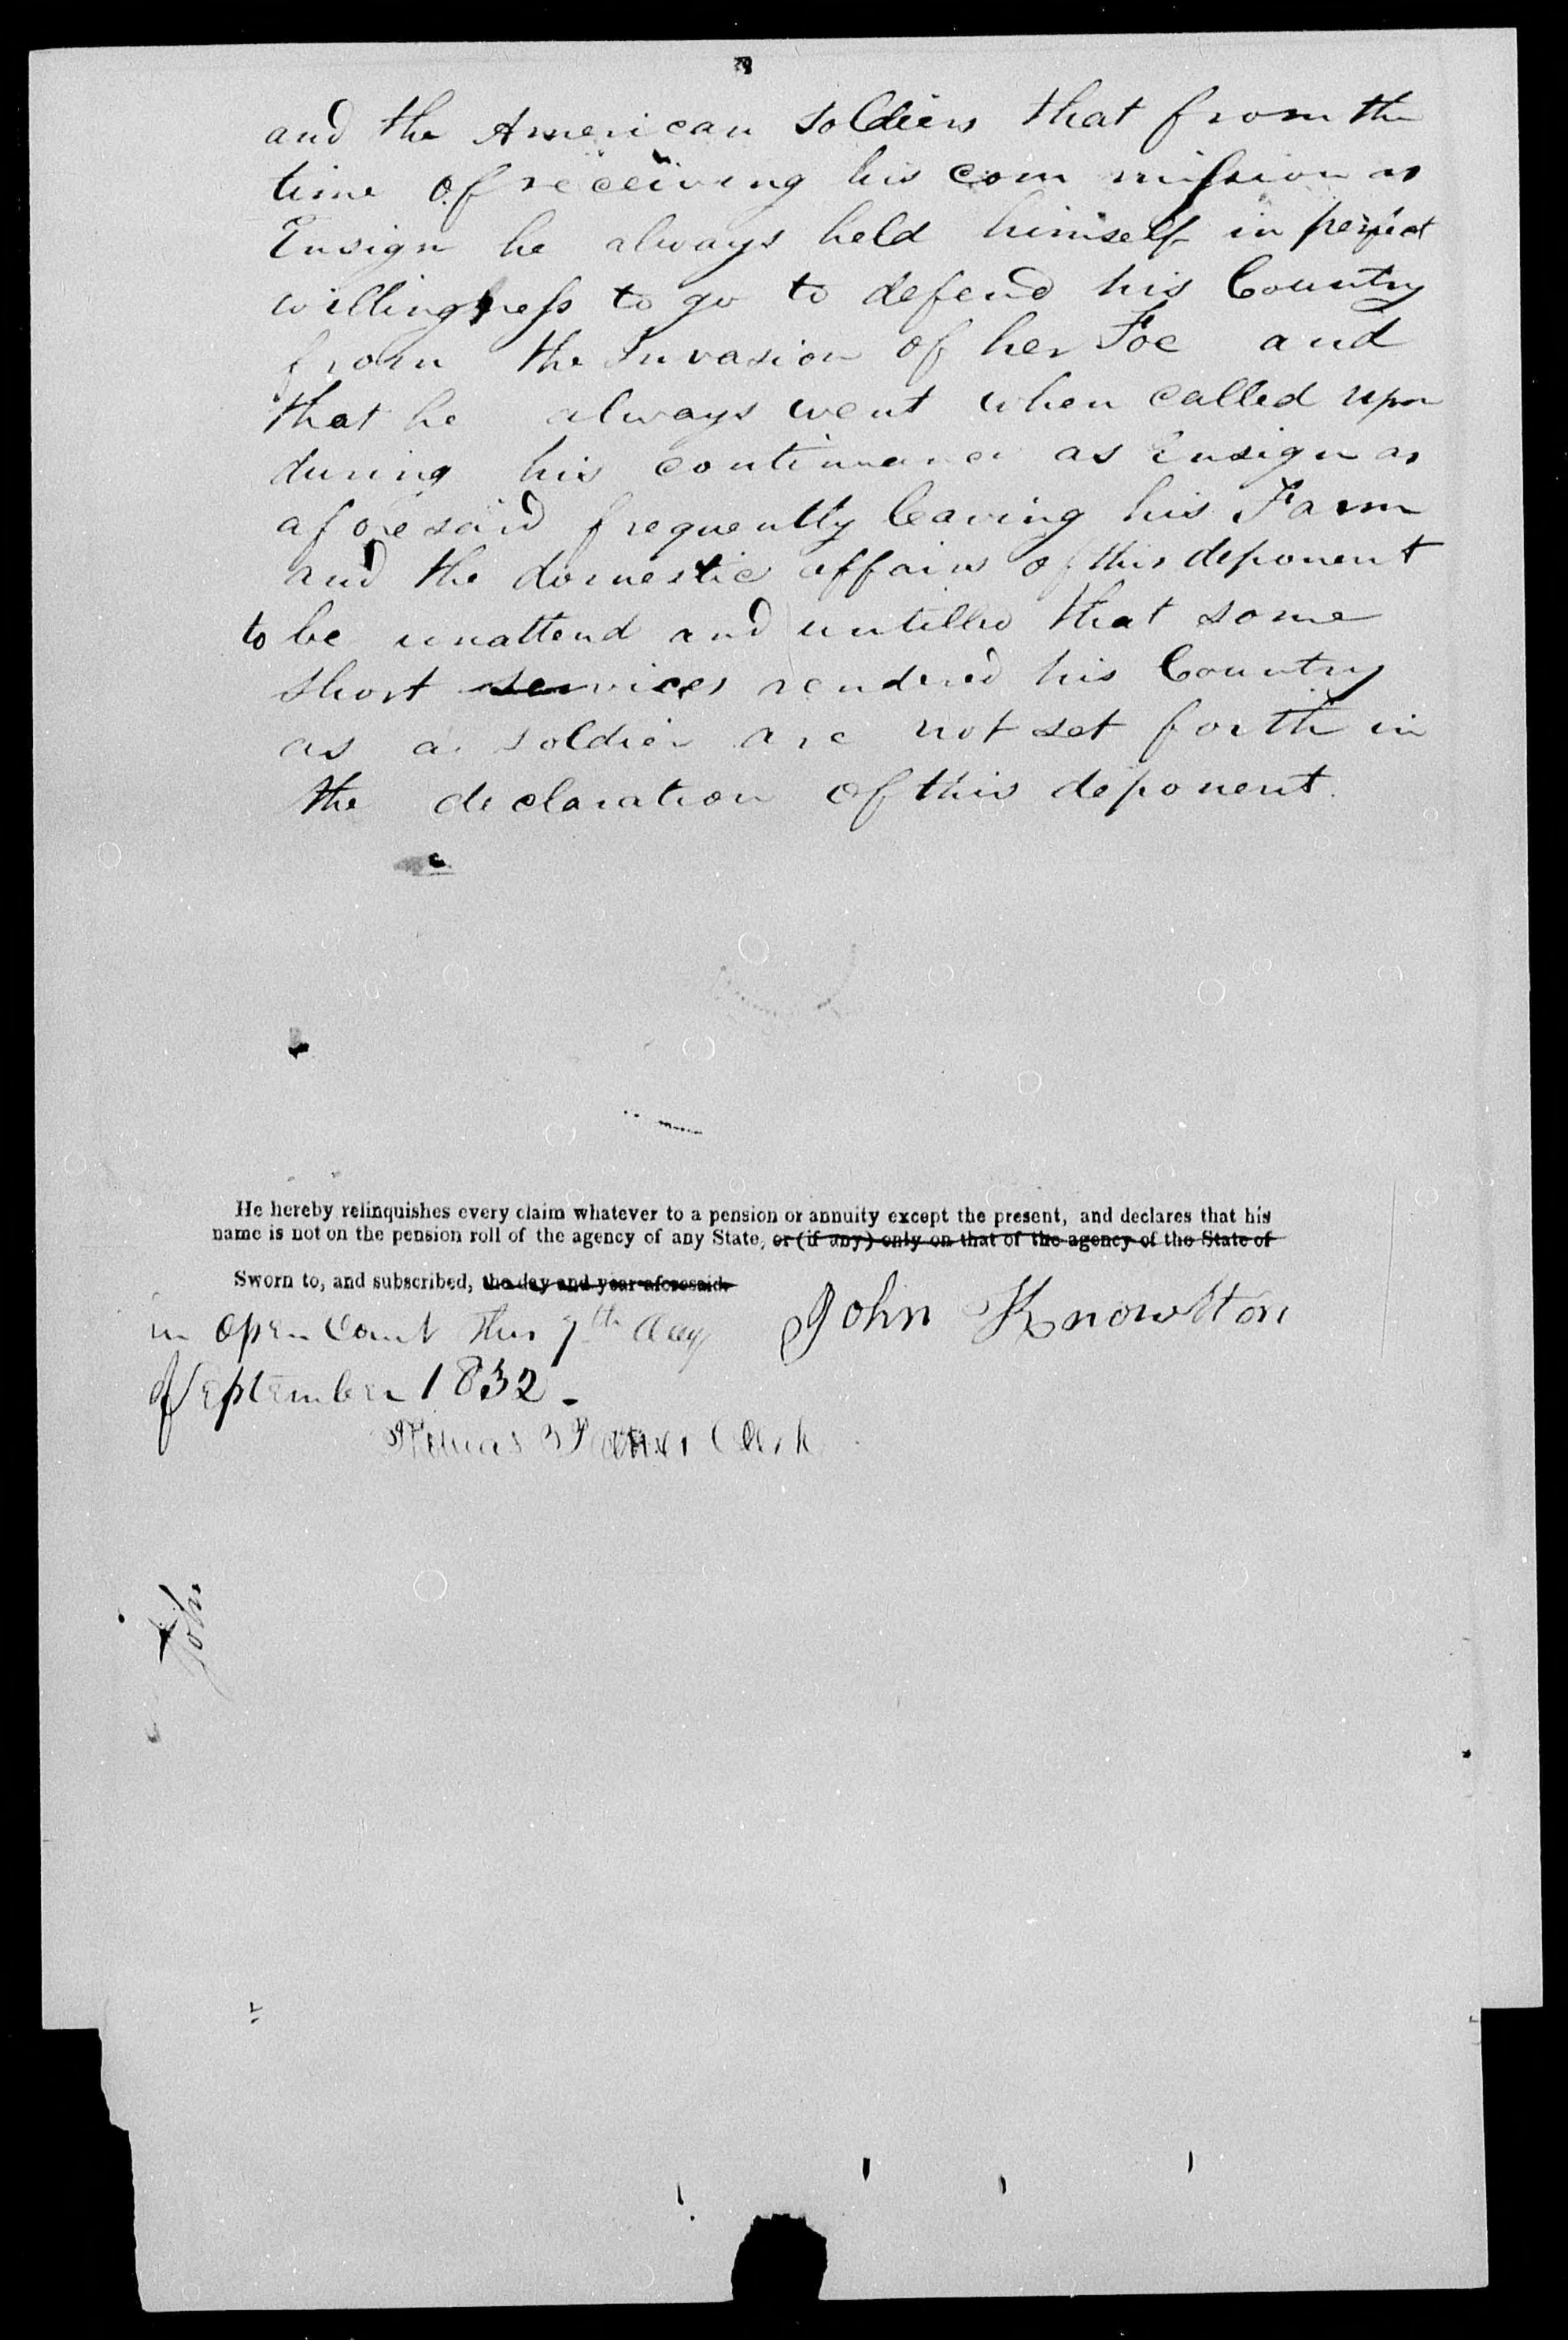and the American soldiers that from the time of receiving his commission as Ensign he always held himself in perfect willingness to go to defend his County from the Invasion of her Foe and that he always went when called upon during his continuance as Ensign as aforesaid frequently leaving his farm and the domestic affairs of this deponent to be unattend and untilled that some short services rendered his country as a soldier are not set forth in the declaration of this deponent

He hereby relinquishes every claim whatever to a pension or annuity except the present, and declares that his name is not on the pension roll of the agency of any State, 
John Knowlton
Sworn to, and subscribed, in Open Court this 7th day of September 1832
Thomas Palmer Clerk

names: John Knowlton; Thomas Palmer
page: 13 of 25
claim: survivor's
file: S. 13668, for John Knowlton, New York